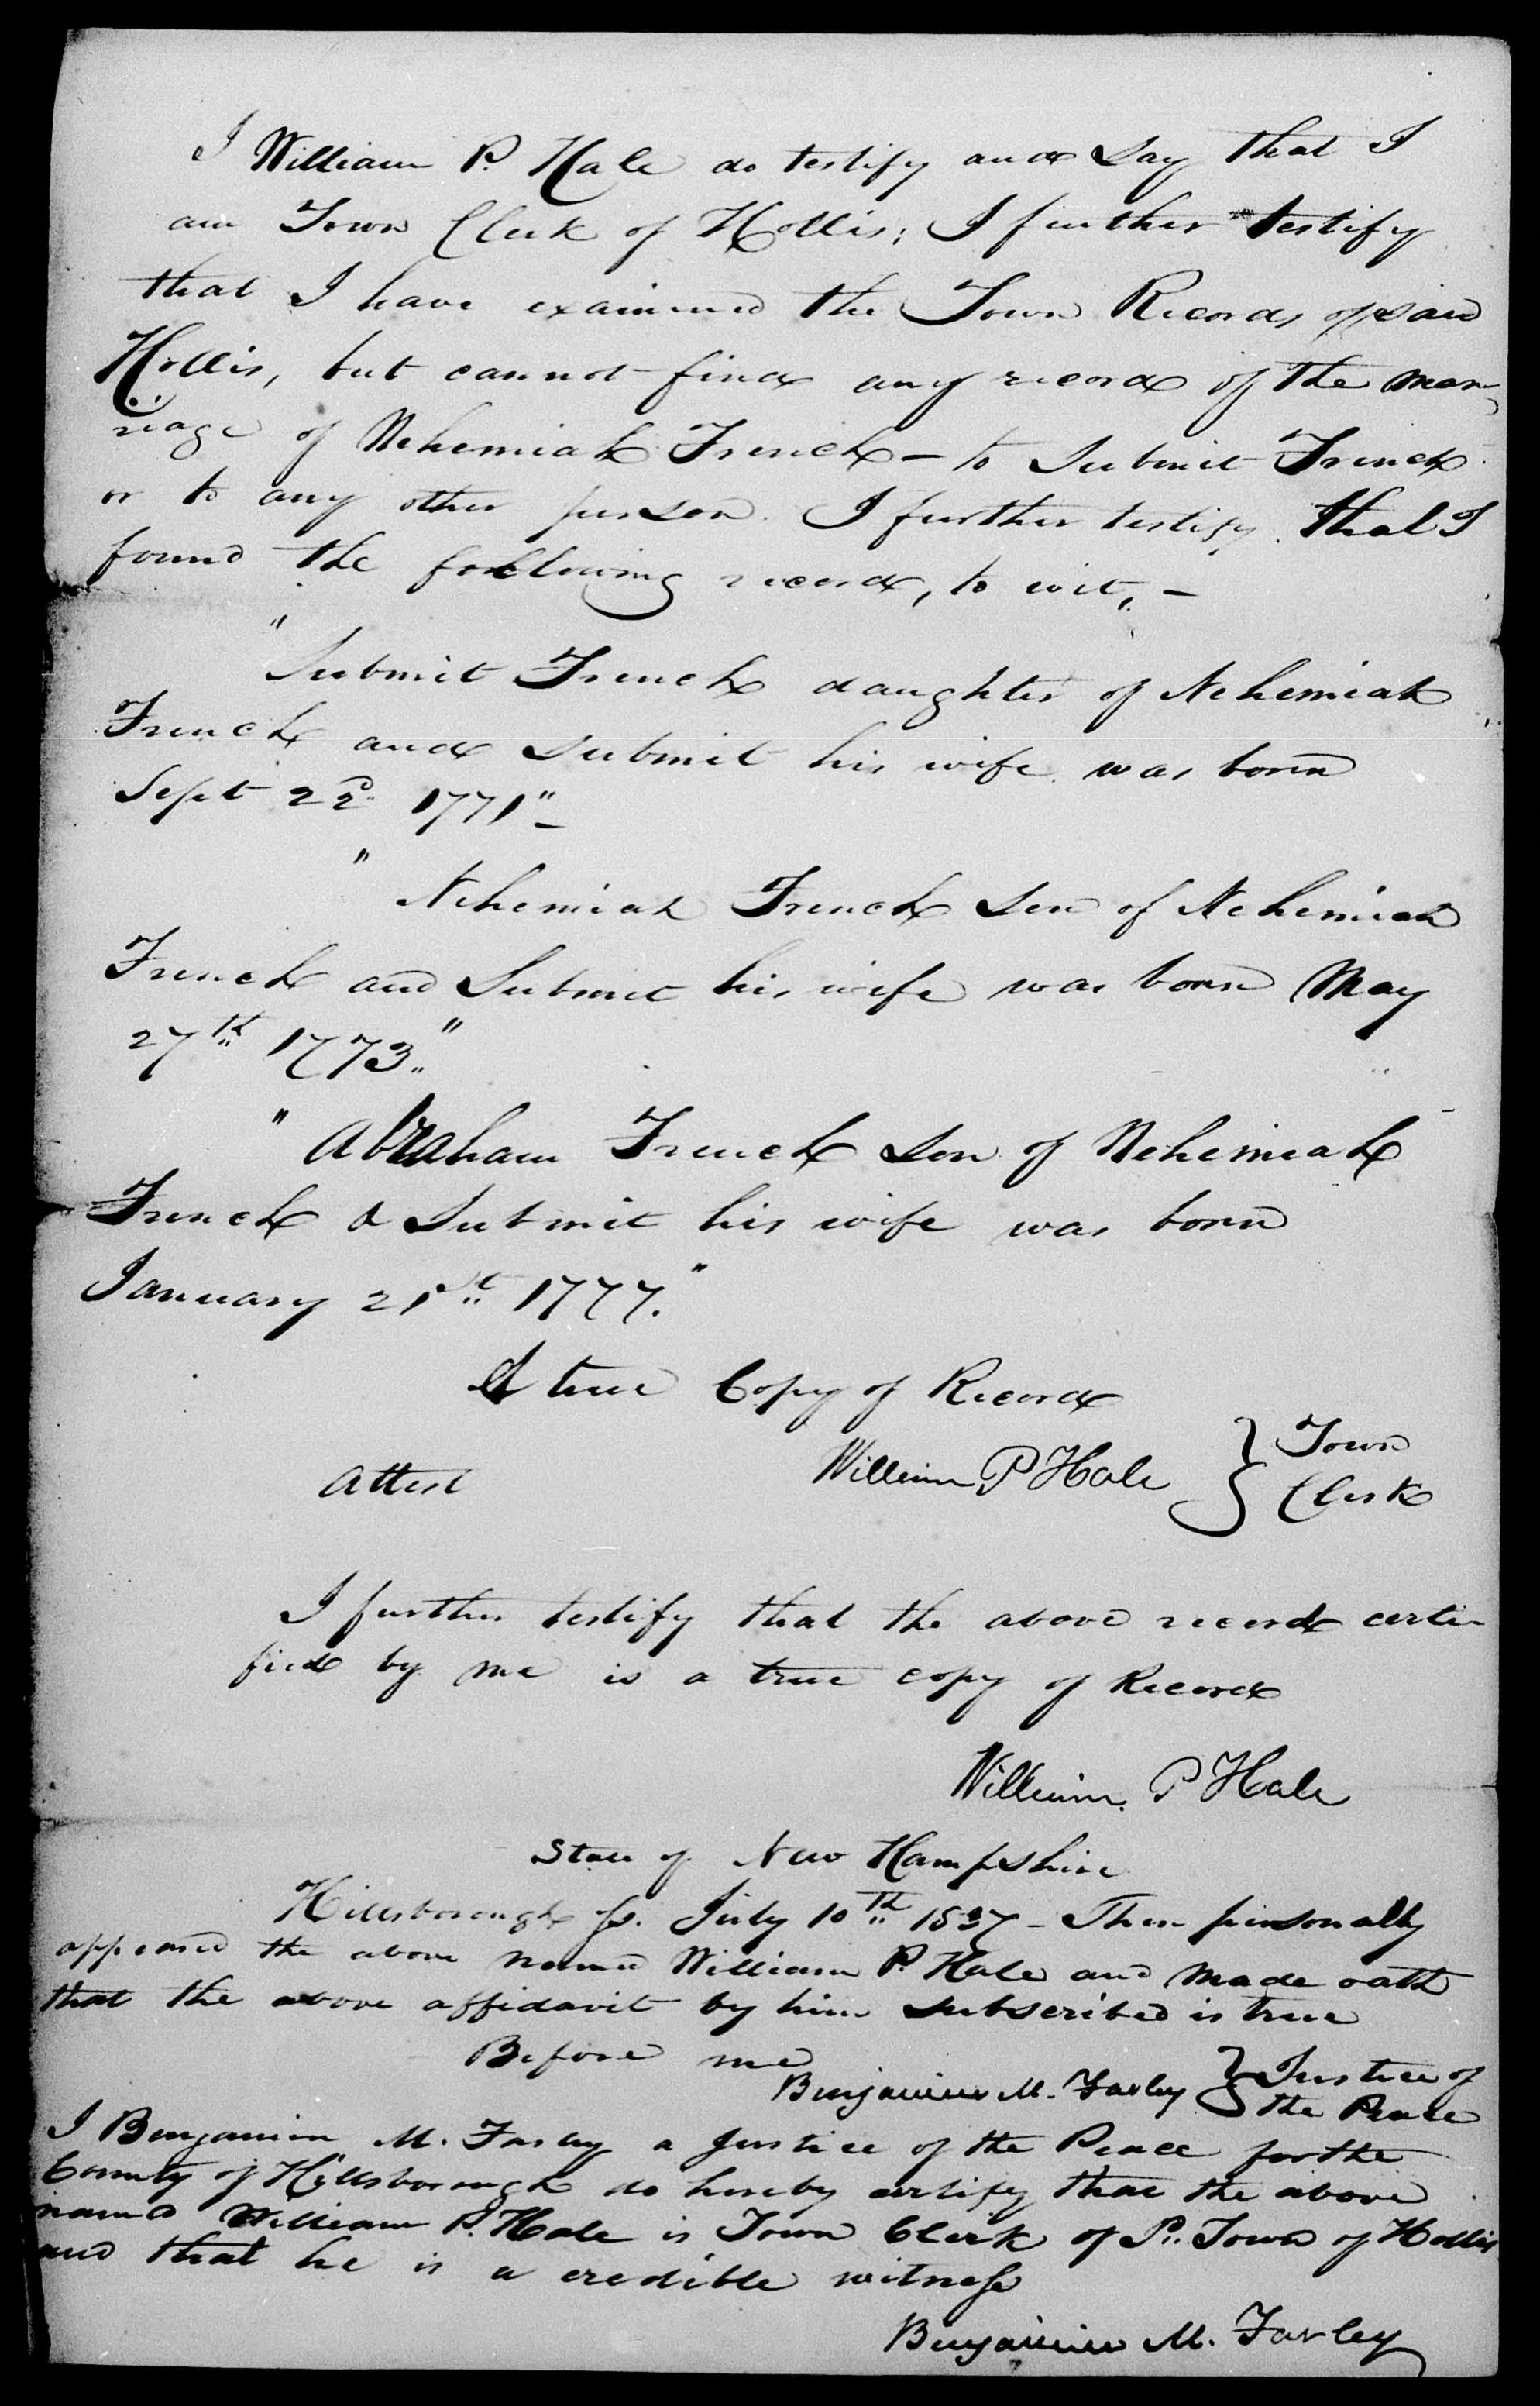I William P. Hale do testify and say that I am Town Clerk of Hollis:  I further testify that I have examined the Town Records of said Hollis, but cannot find any record of the marriage of Nehemiah French--to Submit French or to any other person.  I further testify that I found the following records, to wit,--

"Submit French daughter of Nehemiah French and Submit his wife was born Sept 22d 1771"--

"Nehemiah French Son of Nehemiah French and Submit his wife was born May 27th 1773."

"Abraham French Son of Nehemiah French & Submit his wife was born January 21st 1777."

A true Copy of Record
Attest   William P Hale   Town Clerk

I further testify that the above record certified by me is a true copy of Record
William P Hale

State of New Hampshire
Hillsborough fs.    July 10th 1837--

Then personally appeared the above named William P. Hale and made oath that the above affidavit by him subscribed is true
Before me
Benjamin M. Farley   Justice of the Peace

I Benjamin M. Farley a Justice of the Peace for the County of Hillsborough do hereby certify that the above named William P. Hale is Town Clerk of s'd Town of Hollis and that he is a credible witnefs
Benjamin M. Farley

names: William P Hale, Nehemiah French, Benjamin M Farley, Nehemiah French, Benjamin M Farley, Nehemiah French, William P Hale, William P Hale, Submit, Submit French, Benjamin M Farley, William P Hale, Submit, William P Hale, Nehemiah French, Submit, Abraham French, Nehemiah French, Submit French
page: 10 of 18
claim: widow's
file: W. 21,147, Nehemiah French, Mass. Or N.H.